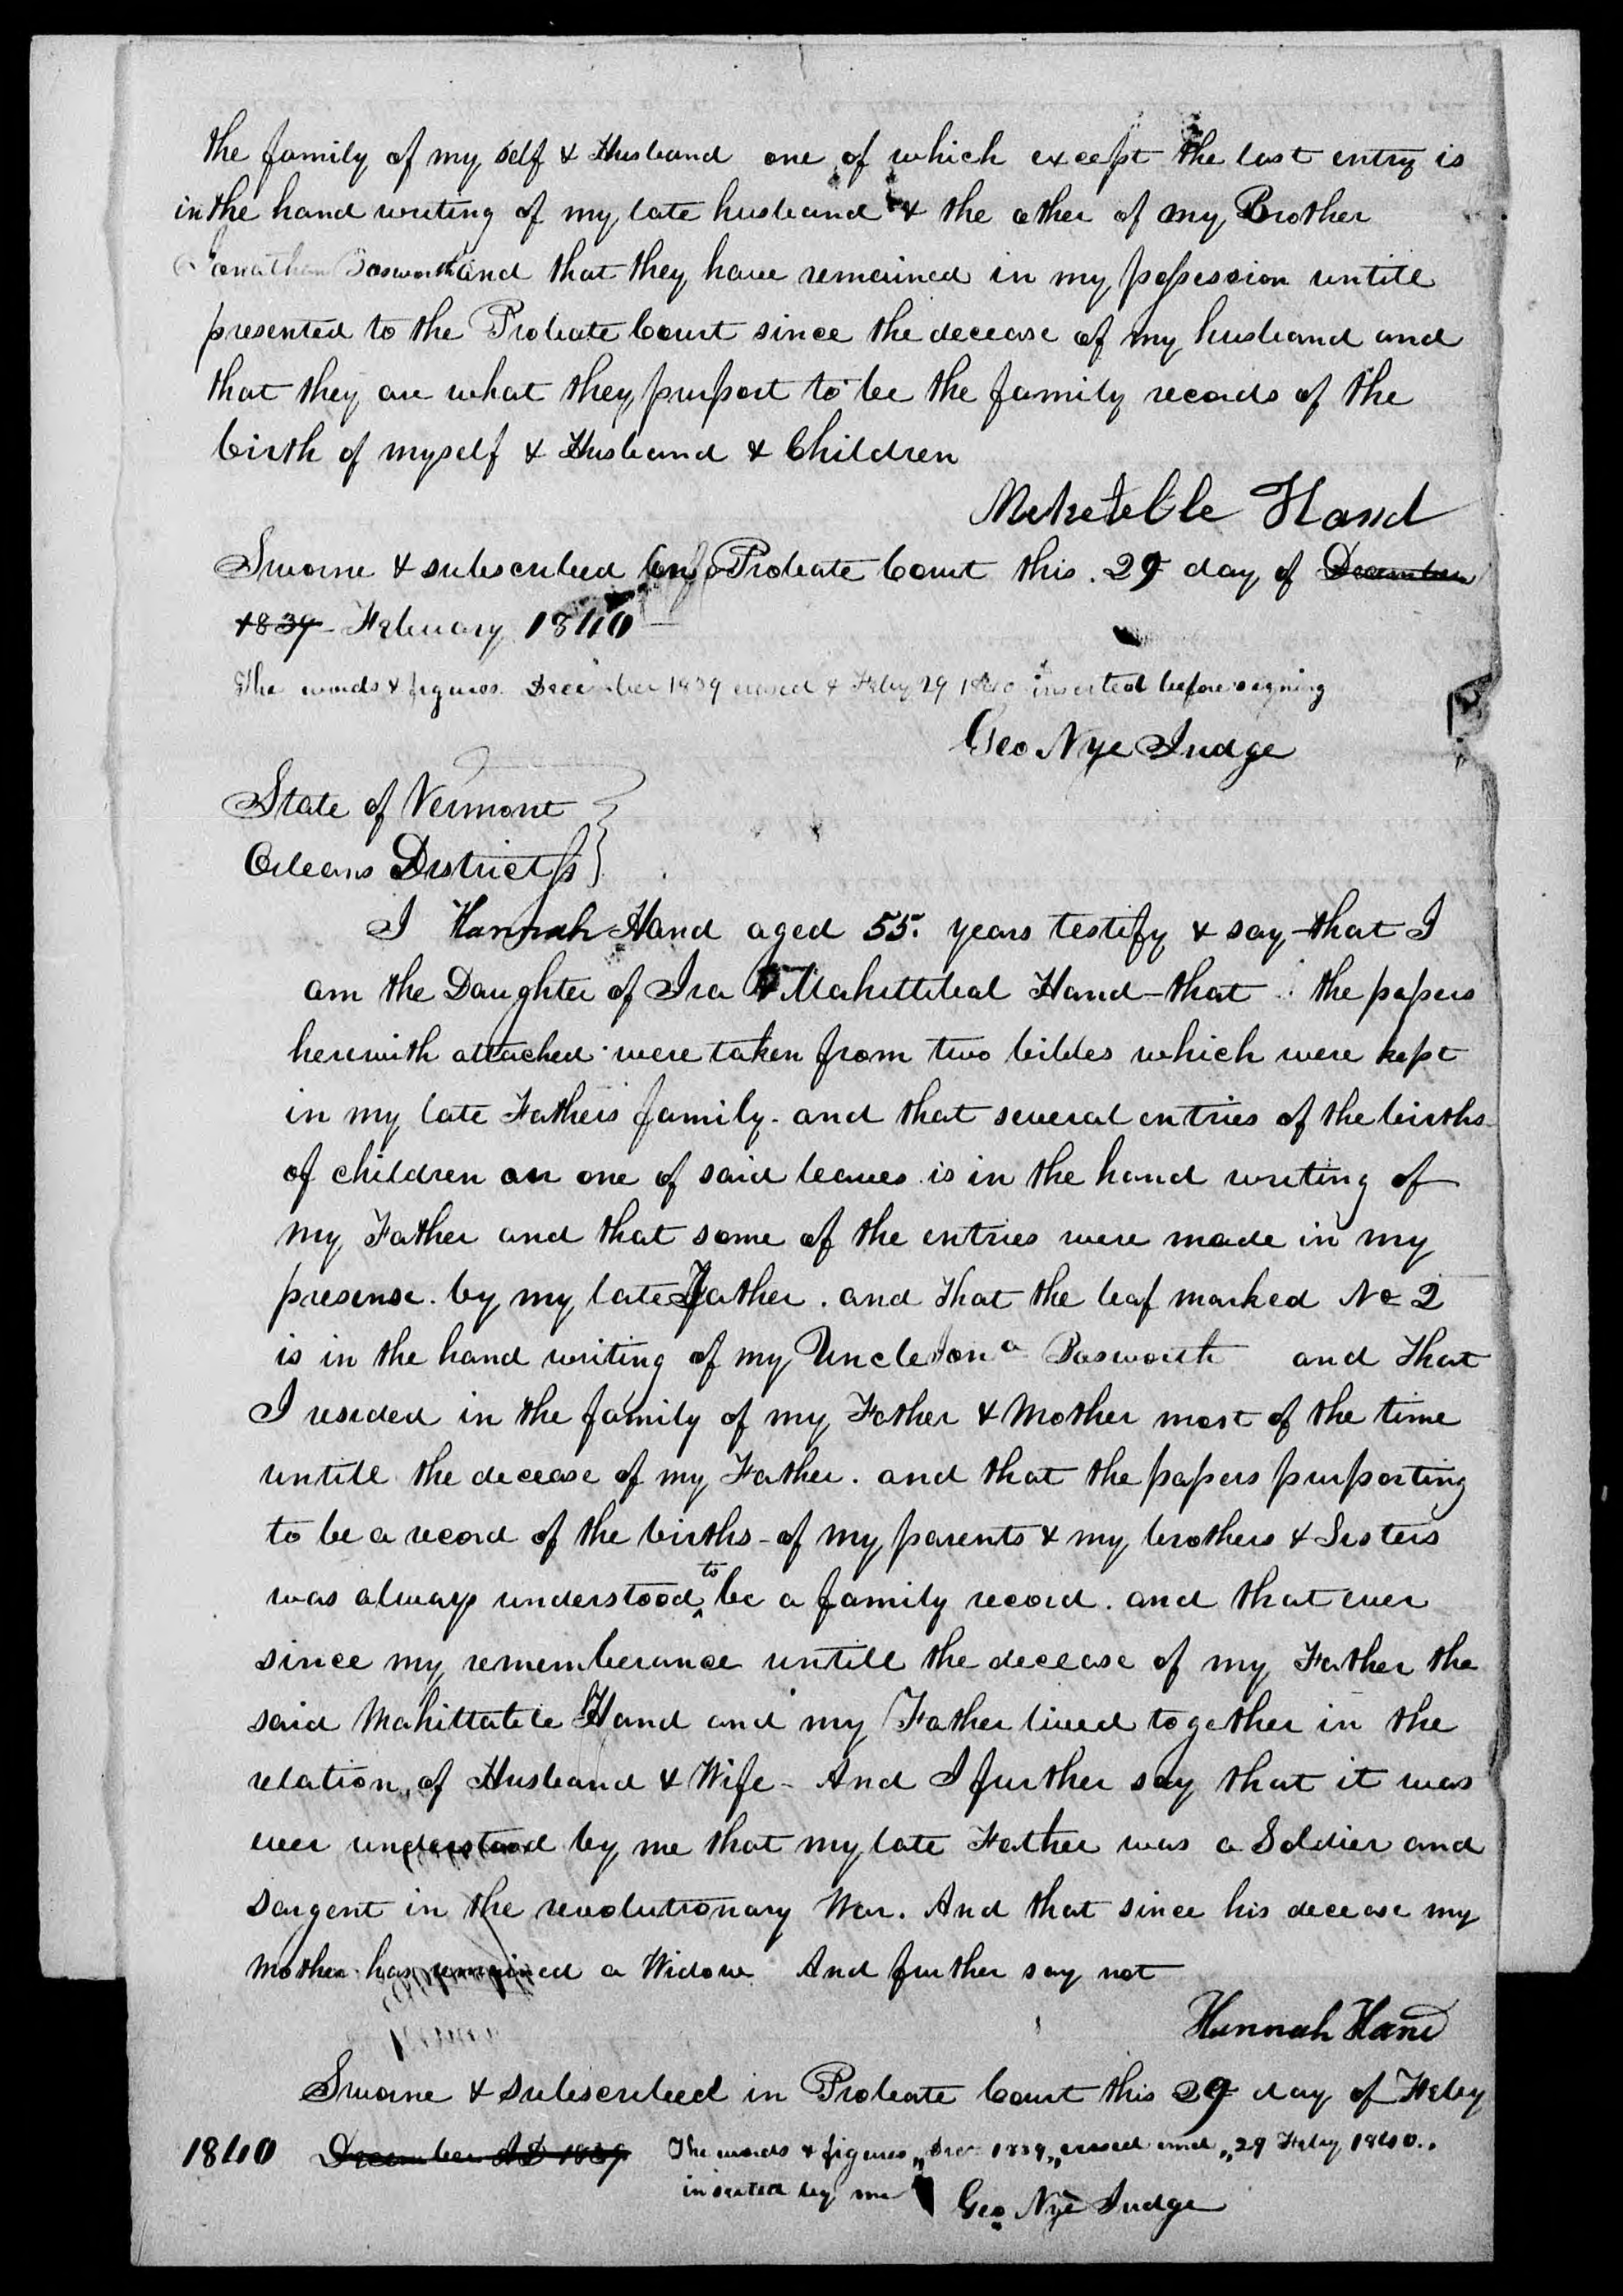the family of my self & Husband one of which except the last entry is in the hand writing of my late husband & the other of my Brother
Jonathan Bosworth and that they have remained in my possession untill
presented to the Probate Court since the decease of my husband and that they are what they purport to be the family records of the
birth of myself & Husband & children
Mehetable Hand
Sworn & subscribed in Probate Court this 29 day of 1834 February 291840
The words & figures. December 1839 erased and & Feby 29 to inserted before signing
Geo Nye Judge

State of Vermont
Orleans District
I Hannah Hand aged 55 years testify & say that I am the Daughter of Ira  & Mahittiteal Hand that the papers herewith attached were taken from two bibles which were kept in my late Fathers family, and that several entries of the births of children on one of said leaves is in the hand writing of my Father and that some of the entries were made in my presence by my late Father, and that the leaf marked No 2
is in the hand writing of my Uncle Jona Bosworth and that I resided in the family of my Father & Mother most of the time untill the decease of my Father, and that the papers purporting to be a record of the births of my parents & my brothers & Sisters was always understood to be a family record, and that ever since my rememberance untill the decease of my Father the said Mahittable Hand and my Father lived together in the
relation of Husband & wife. And I further say that it was ever understood by me that my late Father was a Soldier and Sargent in the revolutionary War. And that since his decease my mother has remained a widow. And further say not
Hannah Hand
Sworn & subscribed in Probate Court this 29 day of Feby 1840 December the words & figures Dec 1839 erased and 29 Feby 1840
inserted by me
Geo Nye Judge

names: Mahettebal Hand, Geo Nye, Meheteble Hand, Mahittable Hand, Hannah Hand, Geo Nye, Hannah Hand, Ira Hand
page: 7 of 42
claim: widow's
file: W. 19,722, Ira Hand, N.H. Vt.